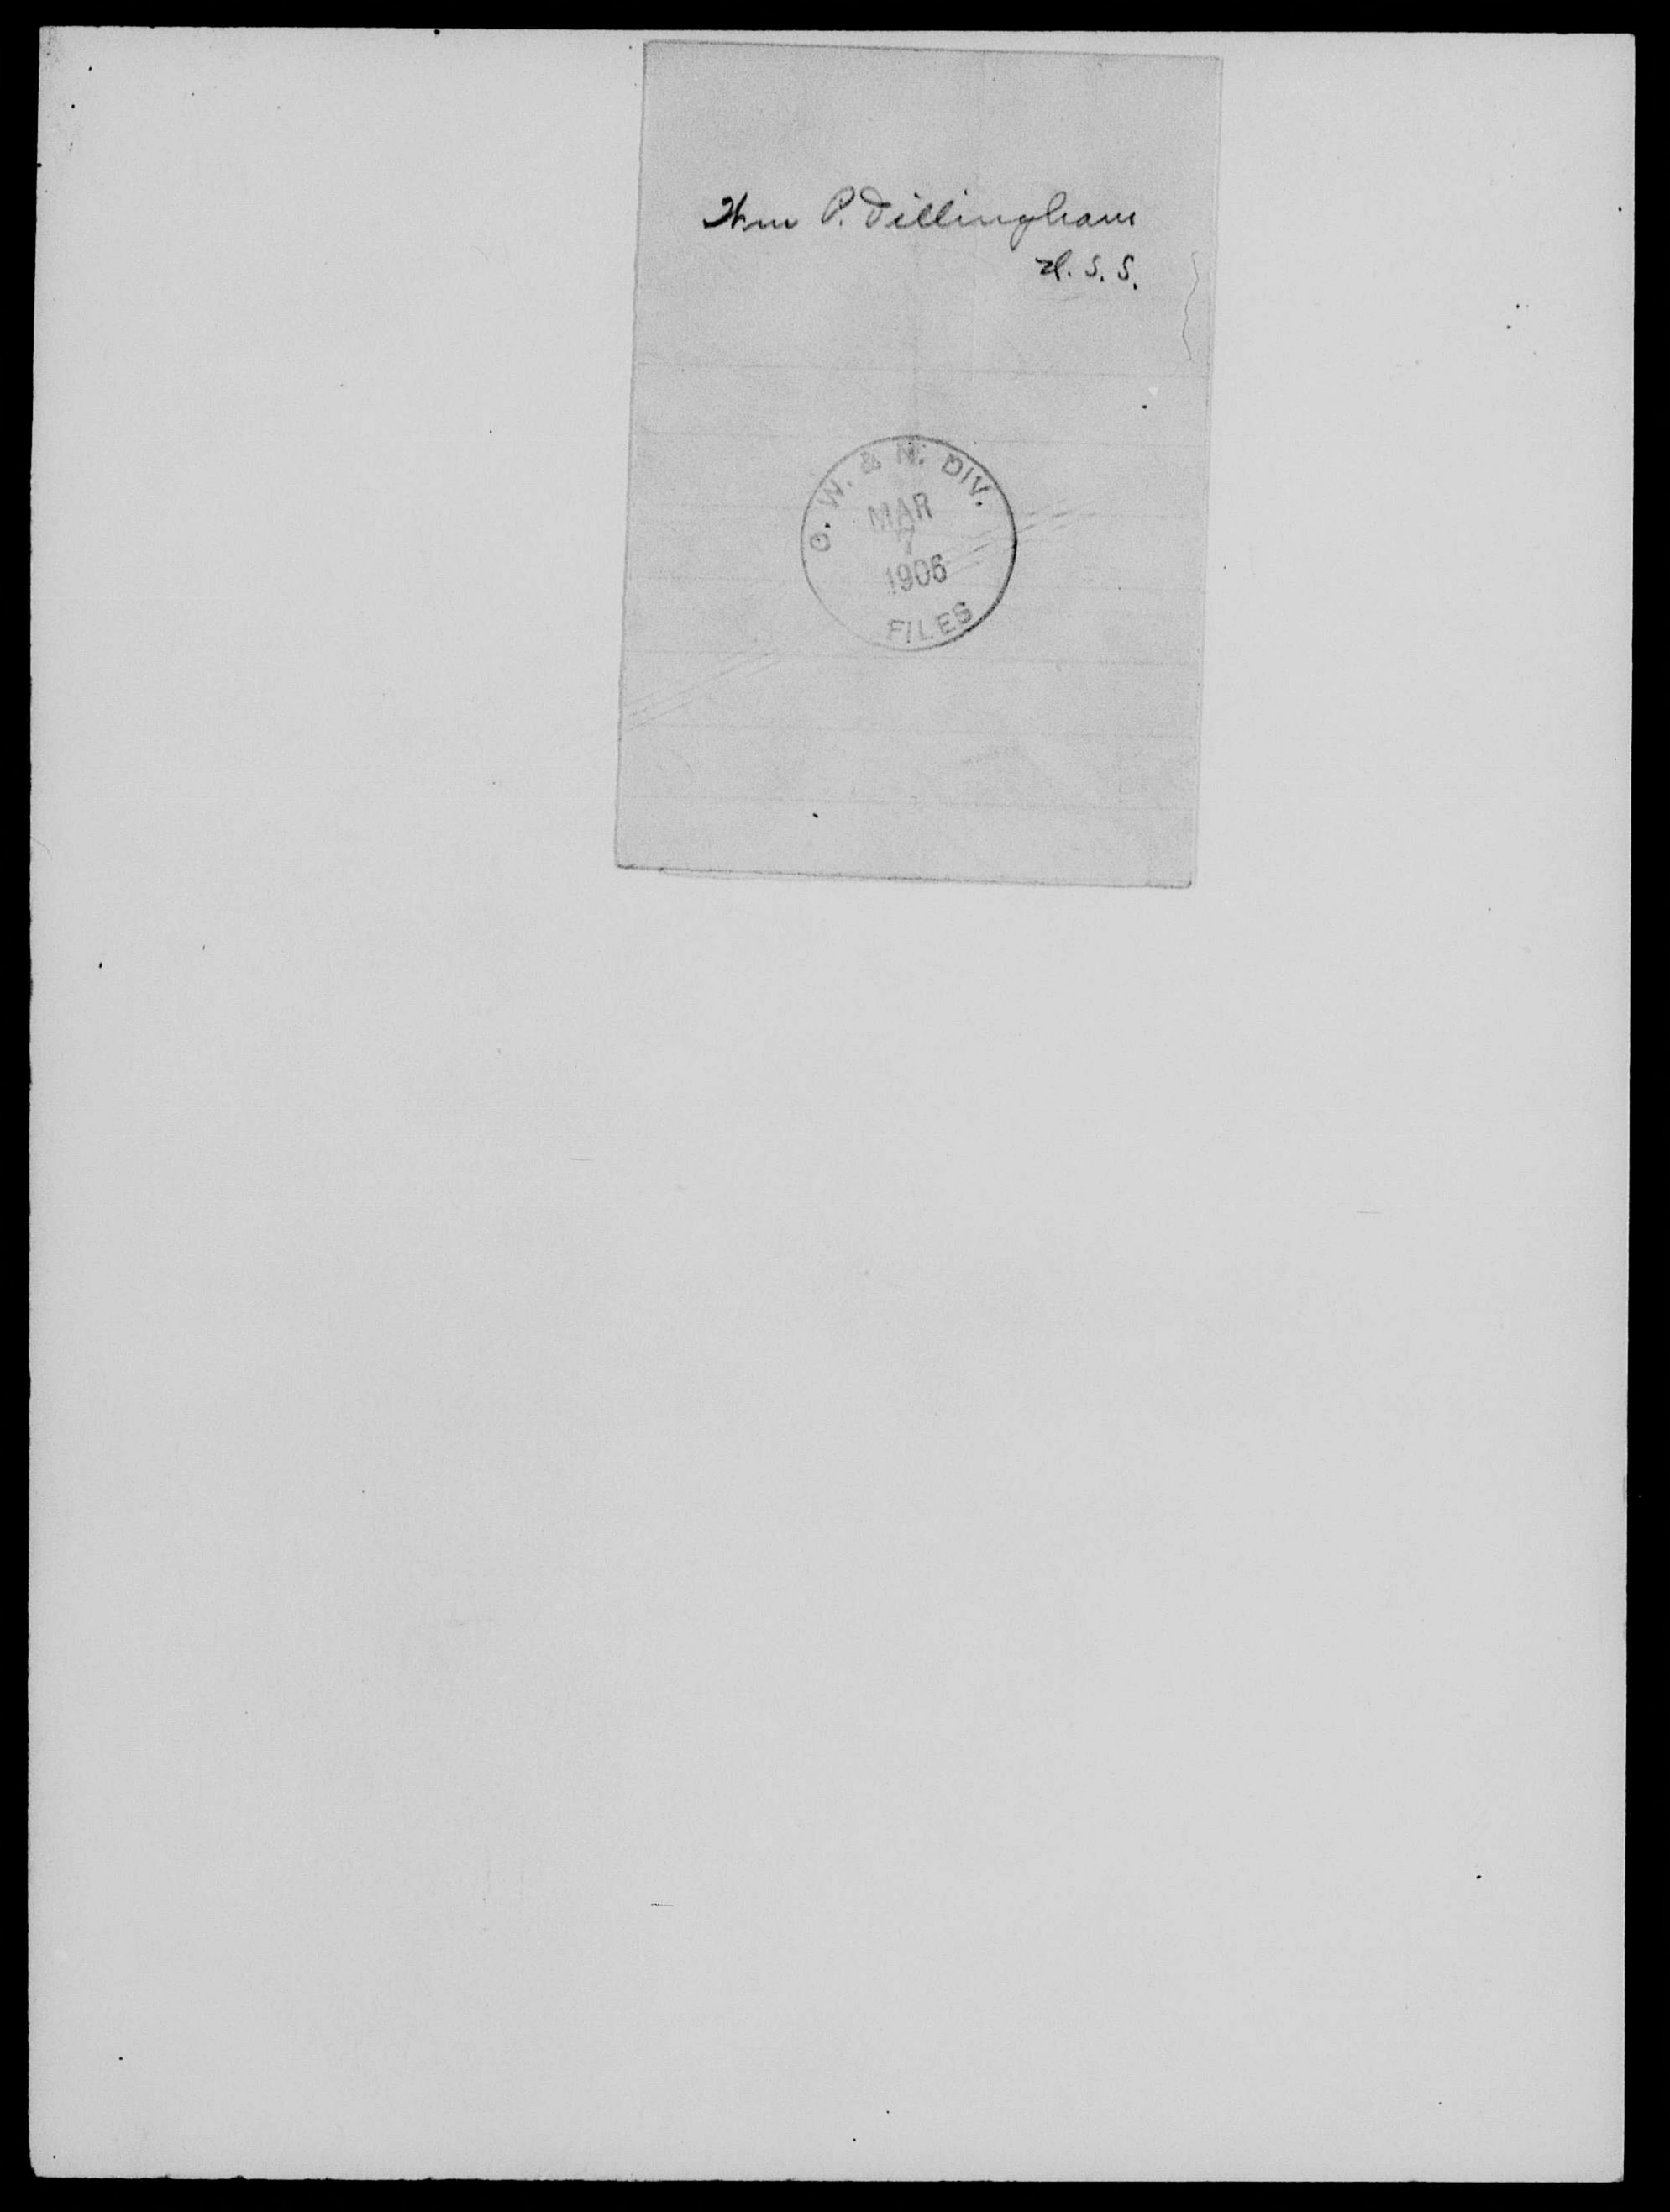Hon. P Dillingham d.s.s.


O.W. & N. DIV.
MAR 190 FILES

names: Wm P Dillingham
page: 15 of 22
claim: survivor's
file: S. 38821, Jonathan Heath, Continental N.H.